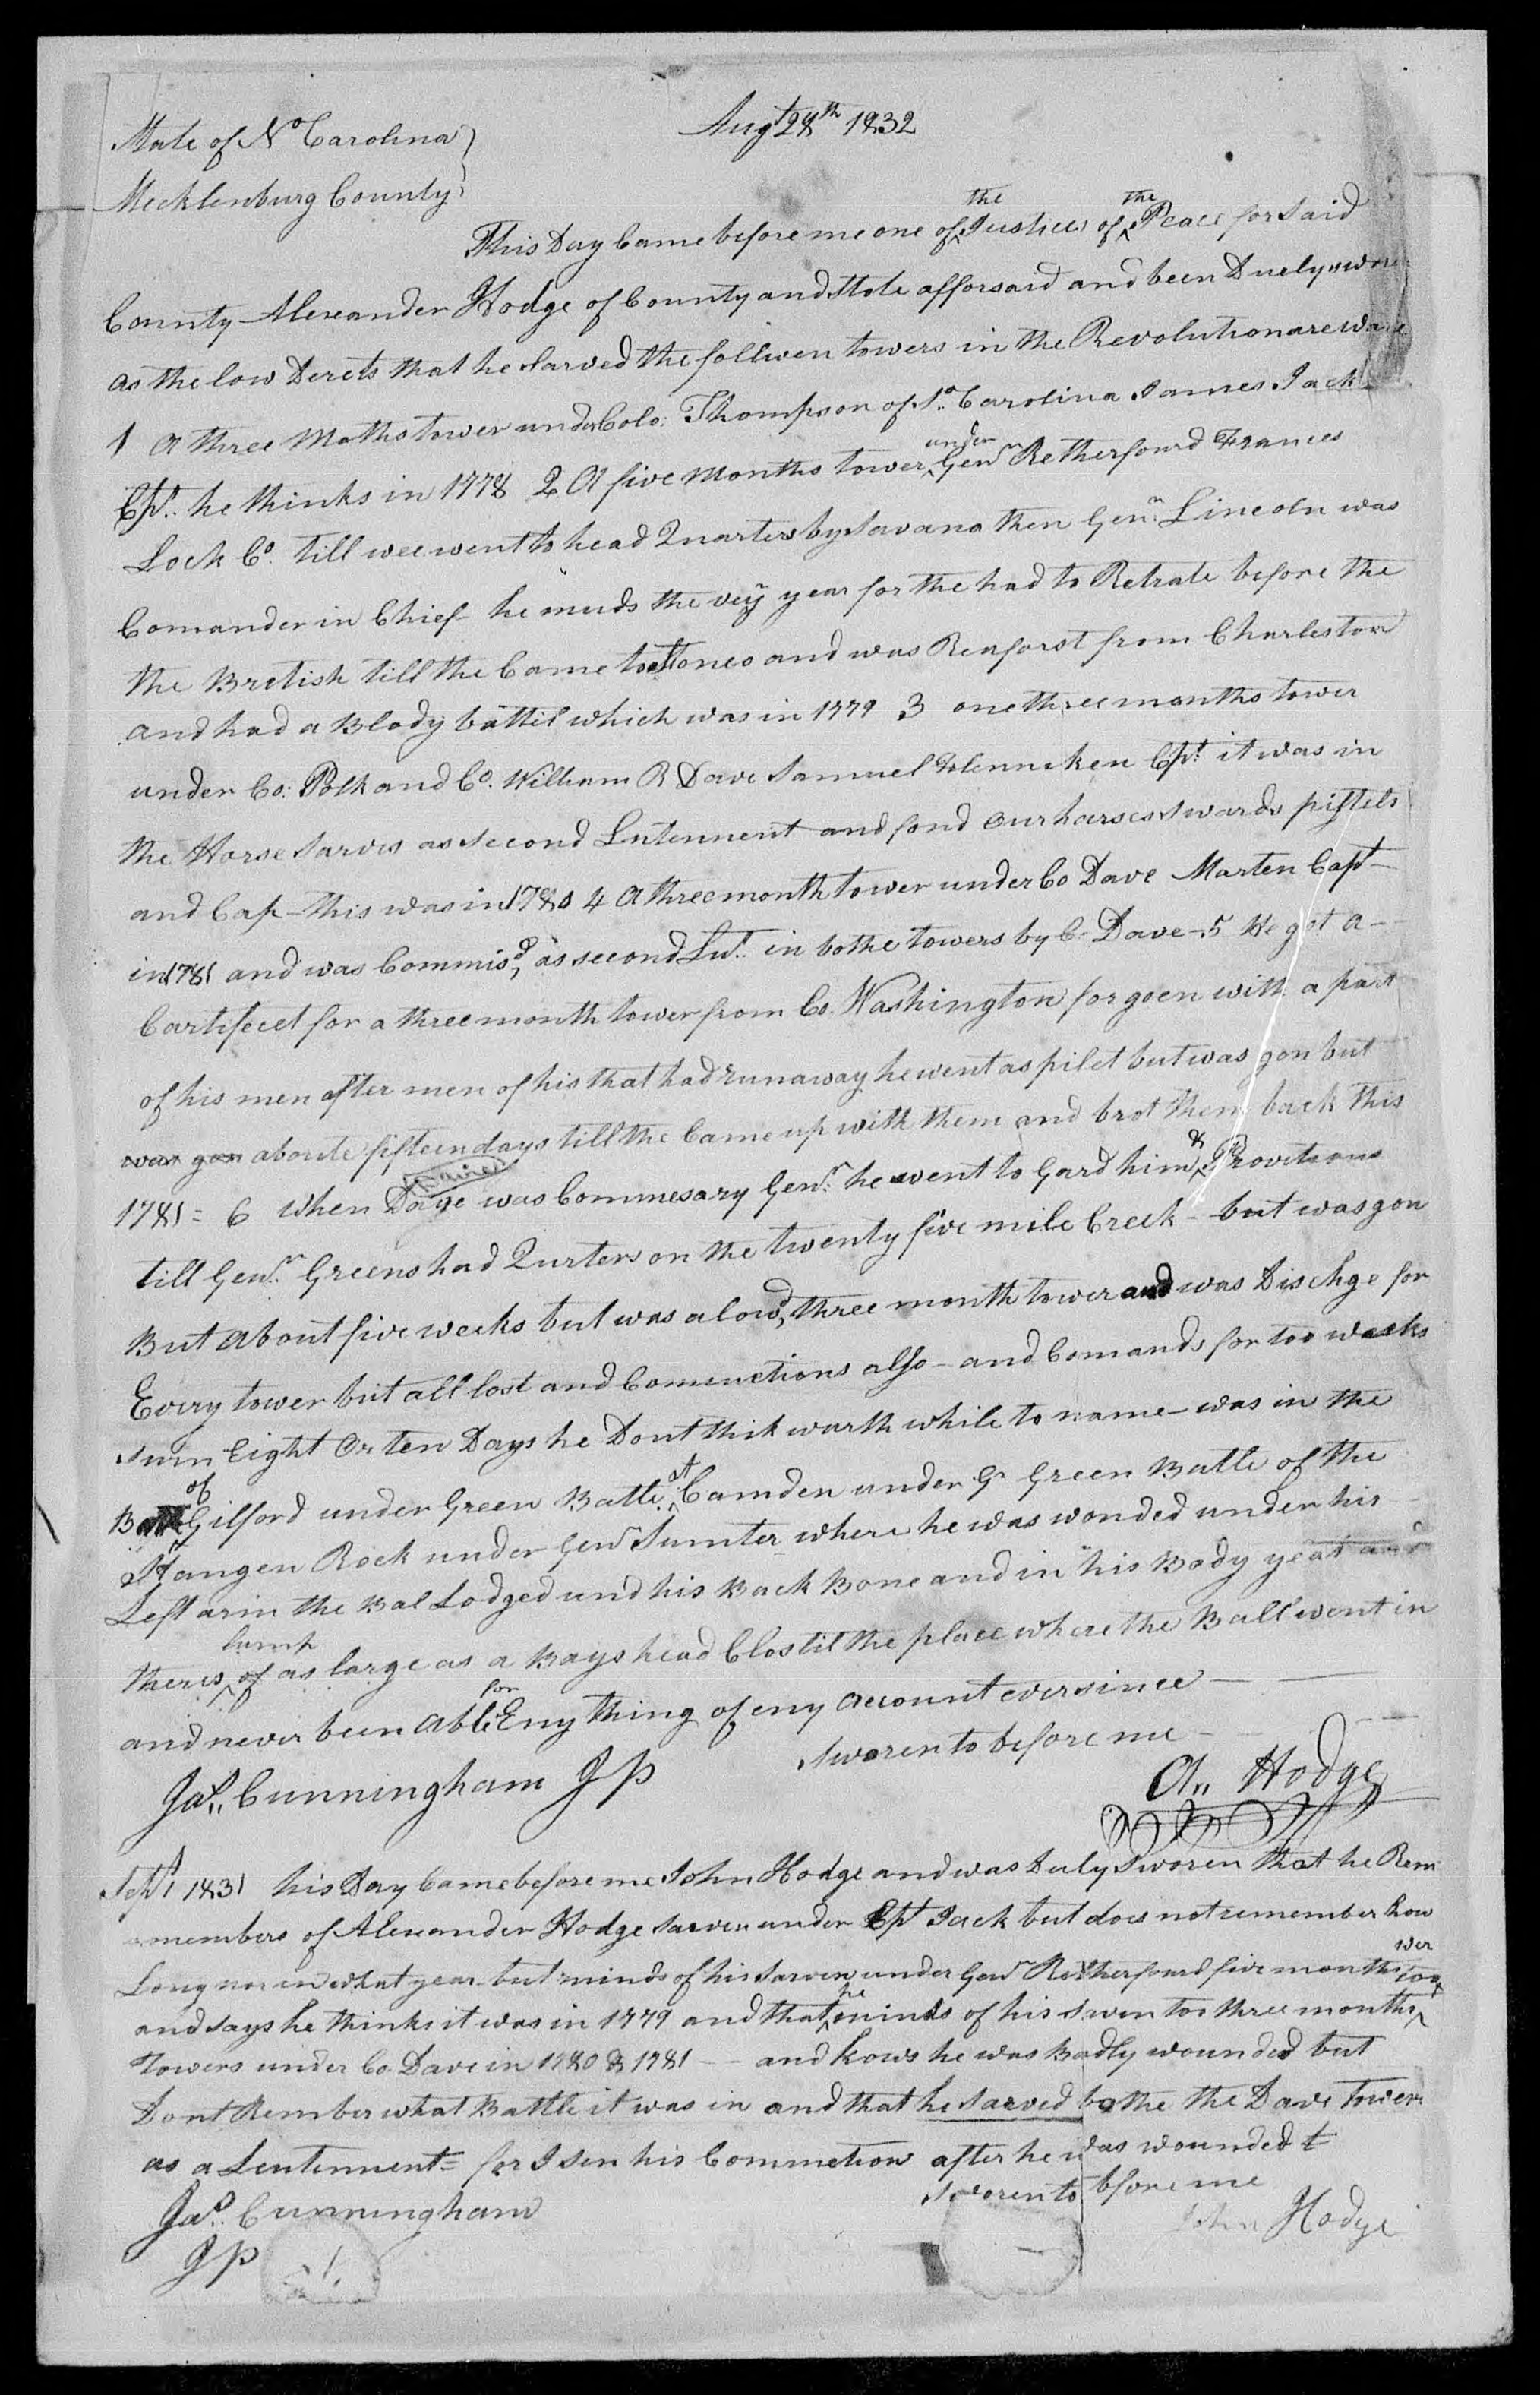State of N. Carolina}
Mecklenburg County}
Aug.t 28th 1832
This day came before me one of ^the Justices of ^the Peace for said County Alexander Hodge of County and state afforsaid (sic) and been duely (sic) sworn as the law directs that he served the folloen (sic) towers (sic) in the Revolutionare (sic) War 1 a three moths (sic) tower (sic) under Colo Thompson of So, Carolina James Jack Cpt. He thinks in 1778 2 A five months tower (sic) ^under Genr Retherfourd (sic) Frances Lock Co. till we went to head quarters (sic) by Servana the Gen. Lincoln was Commander in Chief he [illegible] the very year for the had to Retrate (sic) before the the British till the [illegible] and was Renforst from Charleston and had a Blody (sic) battel (sic) was in 1779. 3 one three months tower (sic) under Co: Polk and Co. William R Dave Samuel Falenneken Cpt it was in the Horse Sarvis (sic) as Second Lietennent (sic) and fond (sic) our horses swords pistels (sic) and Cap- this was in 1780  4 a three month tower (sic) under Co Dave Marten Capt- in 1781 and was Commis, & as second Lut. In bothe (sic) towers (sic) by Co Dave-. 5 He got a Certifecet (sic) for a three month tower (sic) from Co. Washington for goen (sic) with a part of his men after men of his that had runaway he went as pilet but [crossed out )‘were gone’] aboute (sic) fifteen days till we came up with them and brot (sic) them back this 1781 = 6 When Darge (Davie) was Commesary Genr he went to gard (sic) him ^& Provitsans (sic) till Genl Greens had Qurters (sic) on the twenty five mile Creek - - but was gon (sic) But about five weeks but was alowd, (sic) three month tower (sic) and was Dischge (sic) for Every tower (sic) but all lost and Comenctions (sic) also – and commands for too weeks from eight or ten days he Dont (sic) think warth (sic) while to name – was in the Battle of Gilford under Green Battle ^at Camden under Gn Green Batte (sic) of the Hanging Rock under Gen Sumter where he was wonded (sic) under his Left arm the Bal (sic) Lodged und (sic) his Back Bone and in his Body yeat (sic) a – r theres (sic) ^lump of as large as a Bays head Clos til the place where the Ball went in and never been able for Eny (sic) thing of eny(sic)  acconnt (sic) ever since - -
Sworn to before me - - 
A. Hodge
Jas Cunningham JP
Sept 1 1831  This day came before me John Hodge and was duly sworn that he Remembers of Alexander Hodge serven (sic) under Cpt Jack but does not remember how Long nor in what year but minds of his servin (sic) under Genl Retherford five months were and says he thinks it was in 1779 and that ^he minds of his saven (sic) too three months ^too Towers (sic) under Co Davi in 1780 & 1781 – and kows (sic) he was Badly wounded but Dont (sic) Rember (sic) what Battle it was in and that he sarved (sic) bothe (sic) the Davi Tower (sic) as a Leutinnent (sic) for I sen (sic) his Commetion (sic) after he was wounded t 
Sworn to before me 
John Hodge
Jas. Cunningham JP  (Seal)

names: William B Dowe, Green, Dowe, Alexander Hodge, John Hodge, Alexander Hodge, Thompson, James Jack, Carolina, Washington, John Hodge, Polk, Lincoln, Greens, Rotherford, Jas Cunningham, Dowe, Jas Cunningham, Francis Lock, A Hodge, Davis, Retherford, Samuel Flenneken, Doige, Jack, Dowe, Sumter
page: 5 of 14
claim: survivor's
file: S. 8737, Alexander Hodge, N.C.